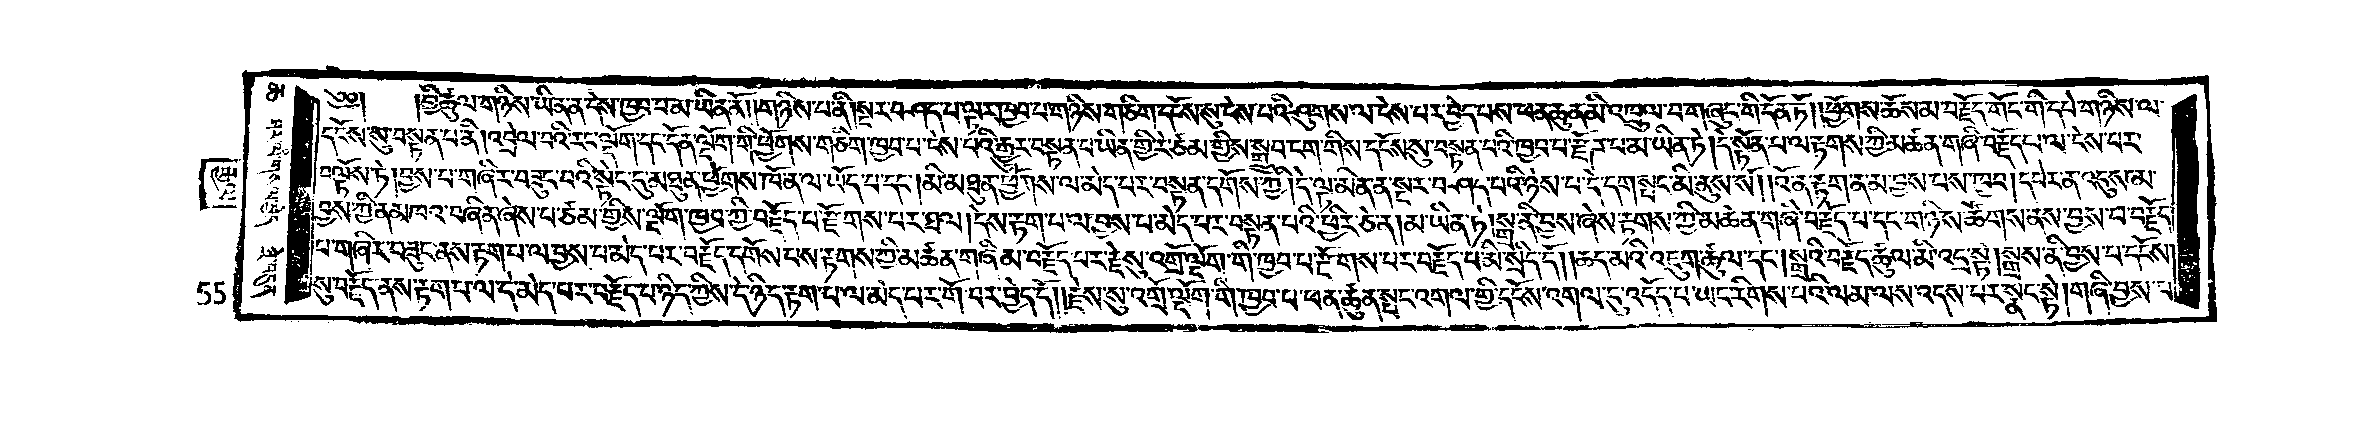༄༅། །གྱི་ཚུལ་གཉིས་ཡིན་ན་དེས་ཁྱབ་པ་མ་ཡིན་ནོ། །གཉིས་པ་ནི། སྔར་བཤད་པ་ལྟར་ཁྱབ་པ་གཉིས་གཅིག་དངོས་སུ་ངེས་པའི་ཤུགས་ལ་ངེས་པར་བྱེད་པས་ཕན་ཚུན་མི་འཁྲུལ་བ་གཞུང་གི་དོན་ཏོ། །ཕྱོགས་ཆོས་མ་བརྗོད་གོང་གི་དཔེ་གཉིས་ལ་
དངོས་སུ་བསྟན་པ་ནི། འབྲེལ་བའི་རང་ལྡོག་དང་དོན་ལྡོག་གི་ཕྱོགས་གཅིག་ཁྱབ་པ་ངེས་པའི་རྒྱུར་བསྟན་པ་ཡིན་གྱི་རེ་ཙམ་གྱིས་སྒྲུབ་ངག་གིས་དངོས་སུ་བསྟན་པའི་ཁྱབ་པ་རྫོཌ?་པ་མ་ཡིན་ཏེ། དེ་སྟོན་པ་ལ་རྟགས་ཀྱི་མཚན་གཞི་བརྗོད་པ་ལ་ངེས་པར་
བལྟོས་ཏེ། བྱས་པ་གཞིར་བཟུང་བའི་སྟེང་དུ་མཐུན་ཕྱོགས་ཁོ་ན་ལ་ཡོད་པ་དང་། མི་མཐུན་ཕྱོགས་ལ་མེད་པར་བསྟན་དགོས་ཀྱི། དེ་ལྟ་མིན་ན་སྔར་བཤད་པའི་ཉེས་པ་དེ་དག་སྤང་མི་ནུས་སོ། །འོ་ན་རྟག་ན་མ་བྱས་པས་ཁྱབ། དཔེར་ན་འདུས་མ་
བྱས་ཀྱི་ནམ་མཁའ་བཞིན་ཞེས་པ་ཙམ་གྱིས་ལྡོག་ཁྱབ་ཀྱི་བརྗོད་པ་རྫོགས་པར་ཐལ། དེས་རྟག་པ་ལ་བྱས་པ་མེད་པར་བསྟན་པའི་ཕྱིར་ཅེ་ན། མ་ཡིན་ཏེ། སྒྲ་ནི་བྱས་ཞེས་རྟགས་ཀྱི་མཚན་གཞི་བརྗོད་པ་དང་གཉིས་ཚོགས་ནས་བྱས་པ་བརྗོད་
པ་གཞིར་བཟུང་ནས་རྟག་པ་ལ་བྱས་པ་མེད་པར་བརྗོད་དགོས་པས་རྟགས་ཀྱི་མཚན་གཞི་མ་བརྗོད་པར་རྗེས་སུ་འགྲོ་ལྡོག་གི་ཁྱབ་པ་རྫོགས་པར་བརྗོད་པ་མི་སྲིད་དོ། །ཚད་མའི་འཇུག་ཚུལ་དང་། སྒྲའི་བརྗོད་ཚུལ་མི་འདྲ་སྟེ། སྒྲས་ནི་བྱས་པ་དངོས་
སུ་བརྗོད་ནས་རྟག་པ་ལ་དེ་མེད་པར་བརྗོད་པ་ཉིད་ཀྱིས་དེ་ཉིད་རྟག་པ་ལ་མེད་པར་གོ་བར་བྱེད་དོ། །རྗེས་སུ་འགྲོ་ལྡོག་གི་ཁྱབ་པ་ཕན་ཚུན་སྤང་འགལ་གྱི་དངོས་འགལ་དུ་འདོད་པ་ཡང་རིགས་པའི་ལམ་ལས་འདས་པར་སྣང་སྟེ། གཞི་བྱས་པ་